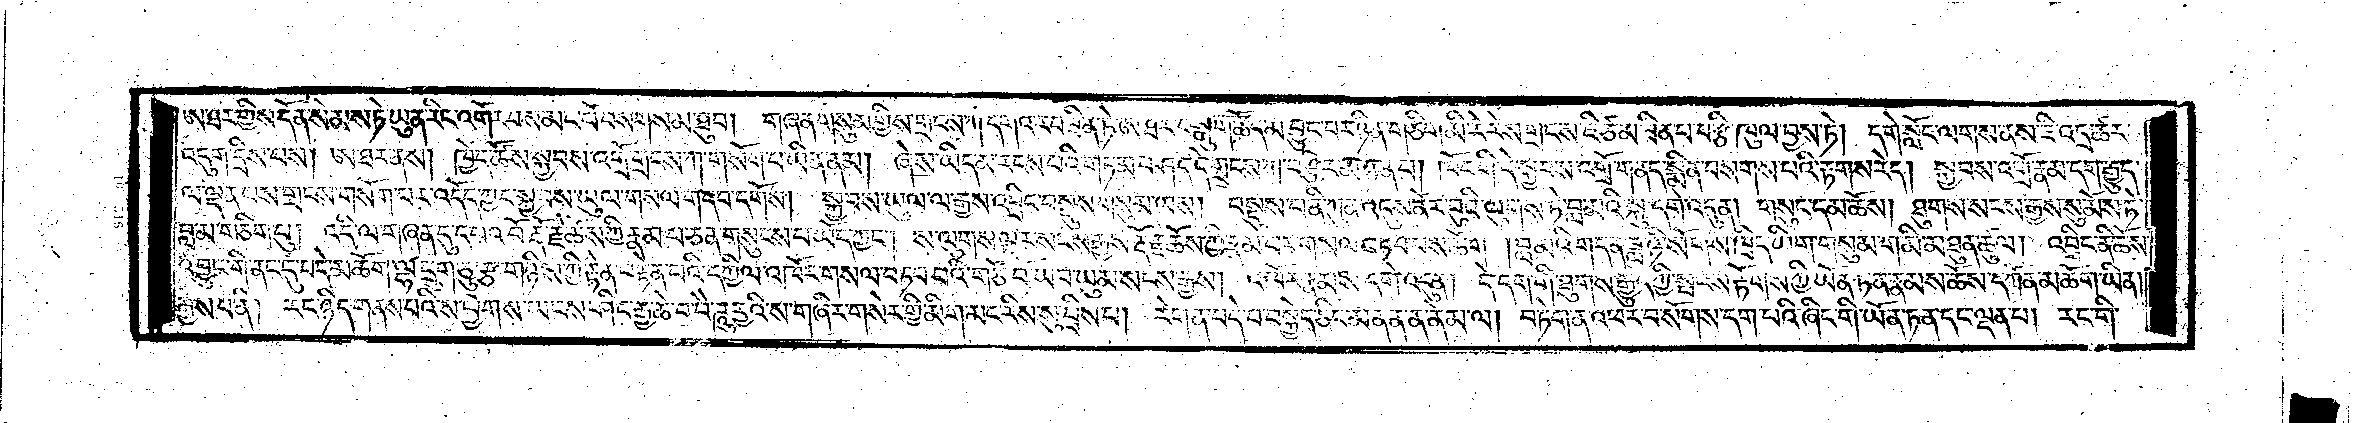ཨ་ཐར་གྱིས་དོན་སེམས་ཏེ་ཡུན་རིང་འགོར་བས་མང་པོ་བསགས་མ་ཐུབ། གཞན་གསུམ་གྱིས་གྲངས་ཀ་དགའ་རབ་ཟིན་ཏེ་ཨ་ཐར་བསྒུག་ཚོད་མ་བྱུང་བར་ཉིན་གཅིག་མི་རེ་རེས་གྲངས་ཇི་ཙམ་ཟིན་པ་བརྩི་ཁུལ་བྱས་ཏེ། དགེ་སློང་ལགས་ནས་ཇི་འདྲ་ཚར་
འདུག་དྲིས་པས། ཨ་ཐར་ནས། ཁྱོད་ཚོས་སྐྱབས་འགྲོ་གྲངས་ཀ་གསོག་པ་ཡིན་ནམ། ཞེས་ཡིད་མ་རངས་པའི་གཏམ་བཤད་དེ་གྲངས་ཀ་བརྩིར་མ་ཉན་པ། ཁོང་གི་དེ་སྐྱབས་འགྲོ་གནད་སྨིན་བསགས་པའི་རྟགས་རེད། སྐྱབས་འགྲོ་རྣམ་དག་རྒྱུད་
ལ་ལྡན་པས་གྲངས་གསོག་པར་འདོད་ཀྱང་སྐྱབས་ཡུལ་གསལ་གདབ་དགོས། སྐྱབས་ཡུལ་ལ་རྒྱས་འབྲིང་བསྡུས་གསུམ་ལས། བསྡུས་པ་ནི་ཀུན་འདུས་ནོར་བུའི་ལུགས་ཏེ་བླ་མའི་སྐུ་དགེ་འདུན། གསུང་དམ་ཆོས། ཐུགས་སངས་རྒྱས་སུ་མོས་ཏེ་
བླ་མ་གཅིག་པུ། འདི་ལ་གཞན་དུ་དཔའ་བོ་རྡོ་རྗེ་ཆོས་ཀྱི་རྣམ་པ་ཅན་གསུངས་པ་ཡོད་ཀྱང་། ས་ལུགས་ལྟར་སངས་རྒྱས་རྡོ་རྗེ་ཆོས་ཀྱི་རྣམ་པར་གསལ་བཏབ་པས་ཆོག །བླ་མའི་གདན་ཟླ་ཉི་སོགས་ཁྲིད་ཡིག་གསུམ་ག་མི་མཐུན་ཚུལ། འབྲིང་ནི་ཆོས་
འབྱུང་གི་ནང་དུ་བདེ་མཆོག་ལྷ་དྲུག་ཅུ་རྩ་གཉིས་ཀྱི་རྟེན་བརྟེན་པའི་དཀྱིལ་འཁོར་གསལ་བཏབ་པའི་གཙོ་བོ་ཡབ་ཡུམ་སངས་རྒྱས། འཁོར་རྣམས་དགེ་འདུན། དེ་དག་གི་ཐུགས་རྒྱུད་ཀྱི་སྤངས་རྟོགས་ཀྱི་ཡོན་ཏན་རྣམས་ཆོས་དཀོན་མཆོག་ཡིན།
རྒྱས་པ་ནི། རང་ཉིད་གནས་པའི་ས་ཕྱོགས་ཡངས་ཤིང་རྒྱ་ཆེ་བ་བཻ་ཌཱུརྱའི་ས་གཞིར་གསེར་གྱི་མིག་མང་རིས་སུ་བྲིས་པ། རེག་ན་བདེ་བ་བསྐྱེད་ཅིང་མནན་ན་ནེ་མ་ལ། བཏེག་ན་འཕར་བ་སོགས་དག་པའི་ཞིང་གི་ཡོན་ཏན་དང་ལྡན་པ། རང་གི་